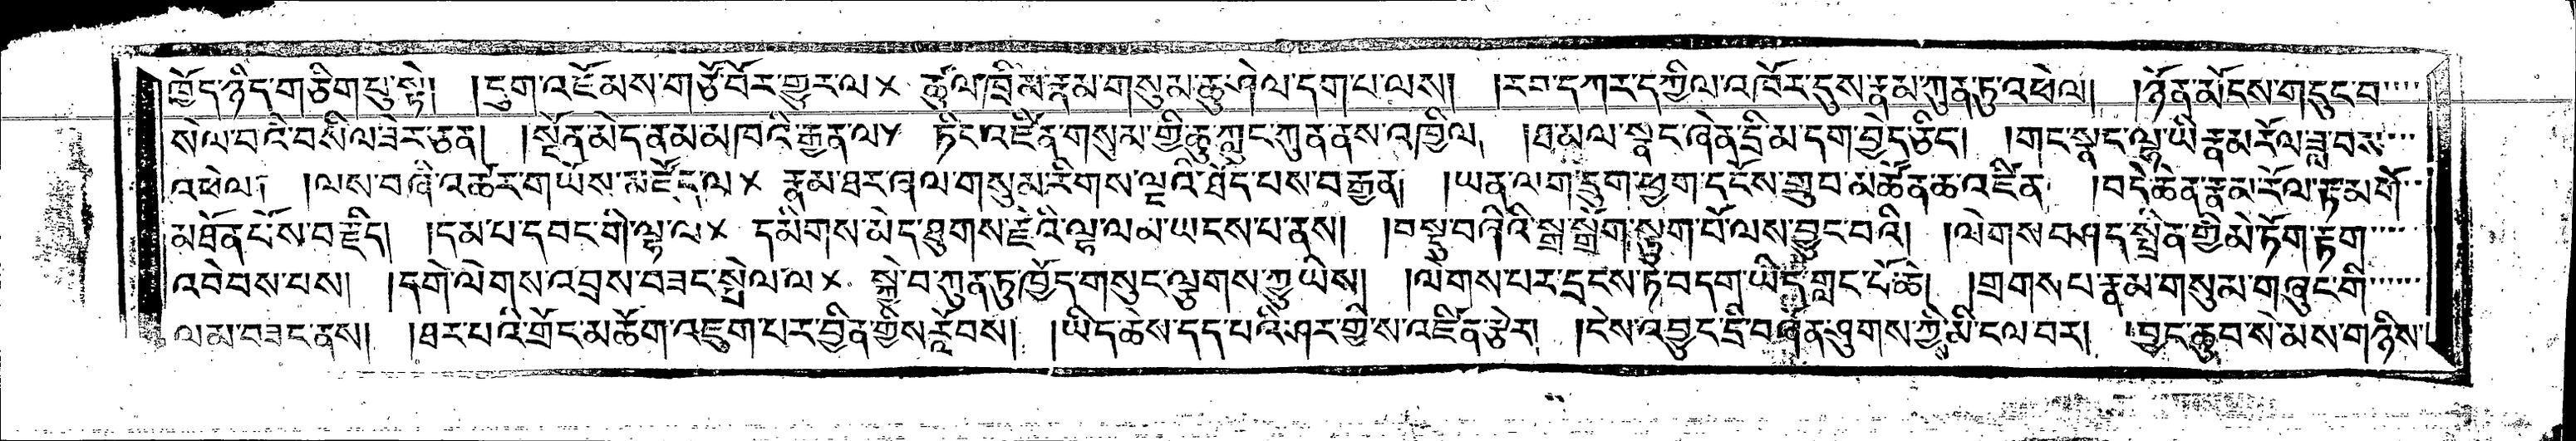ཁྱོད་ཉིད་གཅིག་པུ་སྟེ། །དུག་འཇོམས་གཙོ་བོར་གྱུར་ལ་{྾}་ཚུལ་ཁྲིམ་རྣམ་གསུམ་ཆུ་ཤེལ་དག་པ་ལས། །རབ་དཀར་དཀྱིལ་འཁོར་དུས་རྣམ་ཀུན་ཏུ་འཕེལ། །ཉོན་མོངས་གདུང་བ་
སེལ་བའི་བསིལ་ཟེར་ཅན། །སྔོན་མེད་ནམ་མཁའི་རྒྱན་ལ་{྾}་ཏིང་འཛིན་གསུམ་གྱི་ཆུ་ཀླུང་ཀུན་ནས་འཁྱིལ། །ཐ་མལ་སྣང་ཞེན་དྲི་མ་དག་བྱེད་ཅིང་། །གང་སྣང་ལྷ་ཡི་རྣམ་རོལ་ཟླ་བས་
འཕེལ། །ལས་བཞི་འཚར་གཡོས་མཛོད་ལ་{྾}་རྣམ་ཐར་ཞལ་གསུམ་རིགས་ལྔའི་ཐོད་པས་བརྒྱན། །ཡན་ལག་དྲུག་ཕྱག་དངོས་གྲུབ་མཚོན་ཆ་འཛིན། །བདེ་ཆེན་རྣམ་རོལ་རྟ་མགོ་
མཐོན་པོས་བརྗིད། །དམ་པ་དབང་གི་ལྷ་ལ་{྾}་དམིགས་མེད་ཐུགས་རྗེའི་ལྷ་ལམ་ཡངས་པ་ནས། །བསྡུ་བཞིའི་སྒྲ་སྒྲོག་སྟུག་པོ་ལས་བྱུང་བའི། །ལེགས་བཤད་སྤྲིན་གྱི་མེ་ཏོག་རྟག་
འབེབས་པས། །དགེ་ལེགས་འབྲས་བཟང་སྤེལ་ལ་{྾}་སྐྱེ་བ་ཀུན་ཏུ་ཁྱོད་གསུང་ལྕགས་ཀྱུ་ཡིས། །ལེགས་པར་དྲངས་ཏེ་བདག་ཡིད་གླང་པོ་ཆེ། །གྲགས་པ་རྣམ་གསུམ་གཞུང་གི་
ལམ་བཟང་ནས། །ཐར་པའི་གྲོང་མཆོག་འཇུག་པར་བྱིན་གྱིས་རློབས། །ཡིད་ཆེས་དད་པའི་ཤར་གྱི་ས་འཛིན་རྩེར། །ངེས་འབྱུང་དྲི་བཞོན་ཤུགས་ཀྱིས་མི་ངལ་བར། །བྱང་ཆུབ་སེམས་གཉིས་